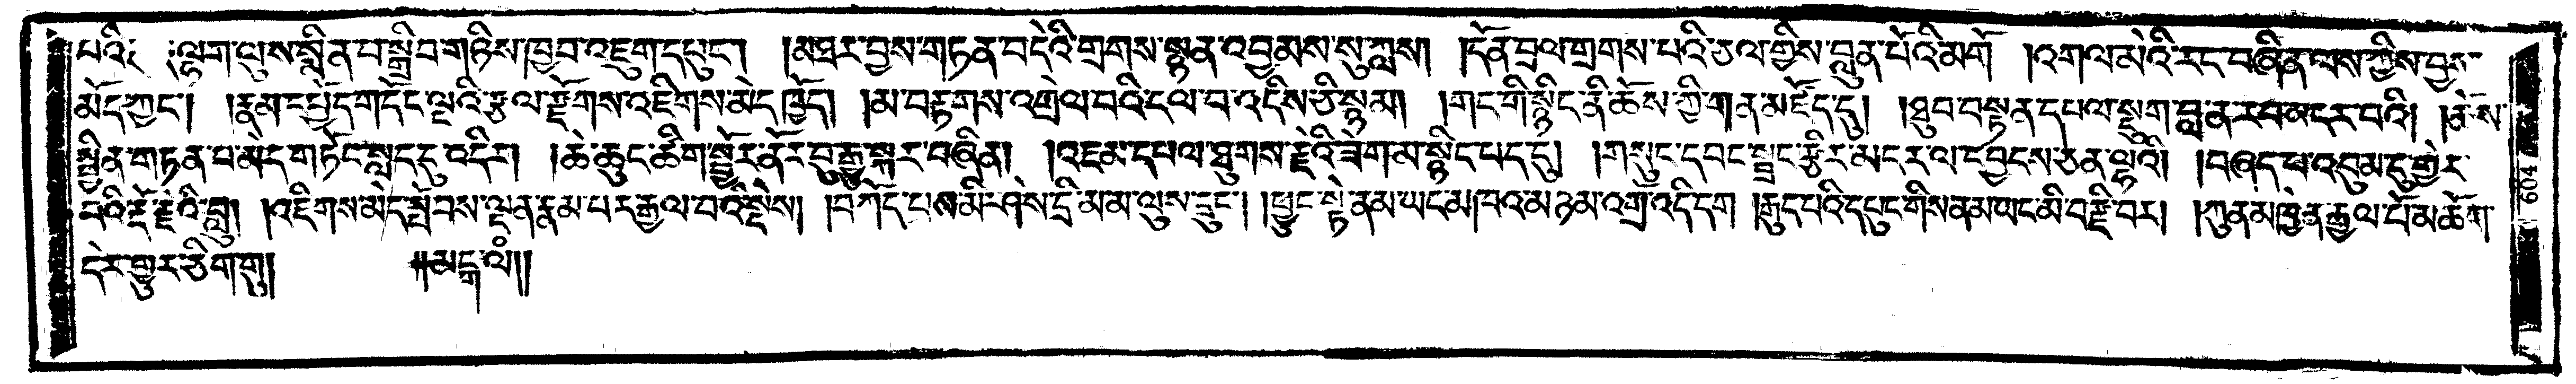པའི། །ལྷག་ལུས་སྨིན་པ་སྒྲིབ་གཉིས་ཁྱབ་འཇུག་དཔུང་། །མཐར་བྱས་གཏན་བདེའི་གྲགས་སྙན་འབྱམས་སུ་ཀླས། །དོན་བྲལ་གྲགས་པའི་ཅལ་གྱིས་བླུན་པོའི་མགོ། །འགལ་མེའི་རང་བཞིན་ལས་ཀྱིས་བྱས་
མོད་ཀྱང་། །རྣམ་དཔྱོད་གདོང་ལྔའི་རྩལ་རྫོགས་འཇིགས་མེད་ཁྱོད། །མ་བརྟགས་འགྲེལ་བའི་དལ་བ་འདིས་ཅི་སྙམ། །གང་གི་སྙིང་ནི་ཆོས་ཀྱི་གན་མཛོད་དུ། །ཐུབ་བསྟན་དཔལ་སྡུག་བླ་ན་རབ་མདར་བའི། །ཆོས་
སྦྱིན་གཏན་པ་མེད་གཏོང་སླད་དུ་འདིར། །ཆེ་ཆུང་ཚིག་སྦྱོར་ནོར་བུ་རྒྱུ་སྐར་བཞིན། །འཇམ་དཔལ་ཐུགས་རྗེའི་ཟེག་མ་སྙིང་པད་དུ། །གསུང་དབང་སྦྲང་རྩིར་མདར་ལ་དབྱངས་ཅན་ལྷའི། །བཞད་པ་འབུམ་དུ་གྱེར་
བའི་རྡོ་རྗེའི་བླུ། །འཇིགས་མེད་སྤོབས་ལྡན་རྣམ་པར་རྒྱལ་བའི་སྡེས། །བཀོད་པས་མི་ཤེས་དྲི་མ་མ་ལུས་དྲུང་། །ཕྱུང་སྟེ་ནམ་ཡང་མཁའ་མཉམ་འགྲོ་འདི་དག །རྒུད་བའི་དཔུང་གིས་ནམ་ཡང་མི་བརྫི་བར། །ཀུན་མཁྱེན་རྒྱལ་པོ་མཆོག་
དེར་གྱུར་ཅིག་གུ། །།མངྒ་ལཾ།།